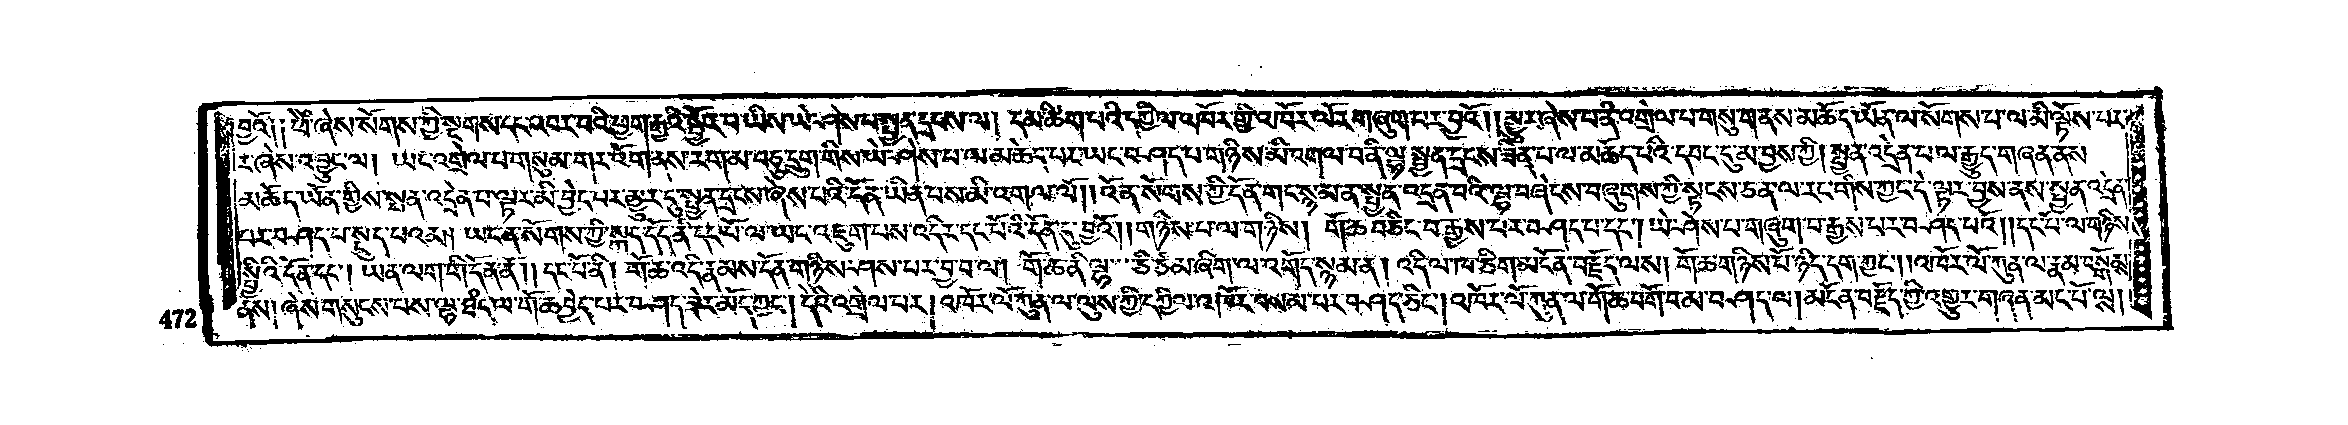བྱའོ། །ཕཻཾ་ཞེས་སོགས་ཀྱི་སྔགས་དང་འབར་བའི་ཕྱག་རྒྱའི་སྦྱོར་བ་ཡིས་ཡེ་ཤེས་པ་སྤྱན་དྲངས་ལ། དམ་ཚིག་པའི་དཀྱིལ་འཁོར་གྱི་འཁོར་ལོར་གཞུག་པར་བྱའོ། །མྱུར་ཞེས་པ་ནི་འགྲེལ་པ་གསུཾ་ག་ནས་མཆོད་ཡོན་ལ་སོགས་པ་ལ་མི་ལྟོས་པར་
རོ་ཞེས་འབྱུང་ལ། ཡང་འགྲེལ་པ་གསུམ་གར་འོག་ནས་རག་མ་བཅུ་དྲུག་གིས་ཡེ་ཤེས་པ་ལ་མཆོད་པར་ཡང་བཤད་པ་གཉིས་མི་འགལ་བ་ནི་ལྷ་སྤྱན་དྲངས་ཟིན་པ་ལ་མཆོད་པའི་དབང་དུ་མ་བྱས་ཀྱི། སྤྱན་འདྲེན་པ་ལ་རྒྱུད་གཞན་ནས་
མཆོད་ཡོན་གྱིས་སྤྱན་འདྲེན་པ་ལྟར་མི་བྱེད་པར་མྱུར་དུ་སྤྱན་དྲངས་ཞེས་པའི་དོན་ཡིན་པས་མི་འགལ་ལོ། །འོ་ན་སོགས་ཀྱི་དོན་གང་སྙམ་ན་སྤྱན་འདྲེན་པའི་ལྷ་བཞེངས་བཞུགས་ཀྱི་སྟངས་ཅན་ལ་རང་གིས་ཀྱང་དེ་ལྟར་བྱས་ནས་སྤྱན་འདྲེན་
པར་བཤད་པ་སྡུད་པའམ། ཡང་ན་སོགས་ཀྱི་སྐད་དོད་ནི་དང་པོ་ལ་ཡང་འཇུག་པས་འདིར་དང་པོའི་དོན་དུ་བྱའོ། །གཉིས་པ་ལ་གཉིས། གོ་ཆ་བཅིང་བ་རྒྱས་པར་བཤད་པ་དང་། ཡེ་ཤེས་པ་གཞུག་པ་རྒྱས་པར་བཤད་པའོ། །དང་པོ་ལ་གཉིས་
སྤྱིའི་དོན་དང་། ཡན་ལག་གི་དོན་ནོ། །དང་པོ་ནི། གོ་ཆ་འདི་རྣམས་དོན་གཉིས་ཤེས་པར་བྱ་བ་ལ། གོ་ཆ་ནི་ལྷ་ཅི་ཙམ་ཞིག་ལ་འགོད་སྙམ་ན། འདི་ལ་ཁ་ཅིག་མངོན་བརྗོད་ལས། གོ་ཆ་གཉིས་པོ་ཉིད་དག་ཀྱང་། །འཁོར་ལོ་ཀུན་ལ་རྣམ་བསྒོམས་
ནས། ཞེས་གསུངས་པས་ལྷ་ཐམས་ཅད་ལ་གོ་ཆ་བྱེད་པར་བཤད་ཟེར་མོད་ཀྱང་། དའི་འགྲེལ་པར། འཁོར་ལོ་ཀུན་ལ་ལུས་ཀྱི་དཀྱིལ་འཁོར་བསམ་པར་བཤད་ཅིང་། འཁོར་ལོ་ཀུན་ལ་གོ་ཆ་བགོ་བམ་བཤད་ལ། མངོན་བརྗོད་ཀྱི་འགྱུར་གཞན་མང་པོ་ལས།